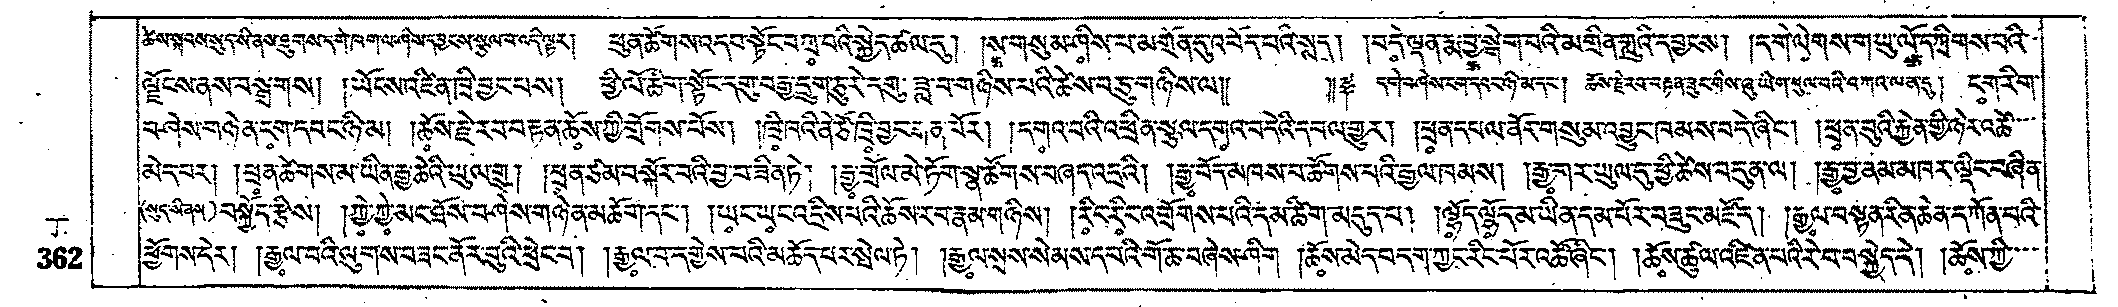ཚེས་སྐབས་སུད་སི་ནས་ཐུགས་དགེ་ཁག་ལ་ཤིས་དབྱངས་སྩལ་བ་འདི་ལྟར།  ཕུན་ཚོགས་འདབ་སྟོང་བཀྲ྾་བའི་སྐྱེད་ཚལ་དུ། །ས་གསུམ་ཤིས་པ་མགྲོན་དུ་འབོད་པའི་སླད། །བདེ྾་ལྡན་རྨ་བྱ་སྒེག་པའི་མགྲིན་གླུའི་དབྱངས། །དགེ་ལེགས྾་གཡུ་ལོ་དཀྲིགས་པའི་
ལྗོངས་ནས་བསྒྲགས། །ཡོངས་འཛིན་ཁྲི་བྱང་པས། ཕྱི་ལོ་ཆིག་སྟོང་དགུ་བརྒྱ་དྲུག་ཅུ་རེ་དགུ་ཟླ་བ་གཉིས་པའི་ཚེས་ཅུ་གཉིས་ལ།། །། འ་དགེ་བཤེས་ངག་དབང་ཉི་མ་དང་། ཆོས་རྗེ་ར་བརྟན་ཟུང་གིས་ཞུ་ཡིག་ཕུལ་བའི་བཀའ་ལན་དུ།  ངག྾་རིག་
བཤེས་གཉེན་ངག྾་དབང་ཉི་མ། །ཆོས྾་རྗེ་རབ་བརྟན་ཆོས྾་ཀྱི་གྲོགས་པོས། །ཁྲི྾་ཁའི་ནེ་ཙོ་ཁྲི྾་བྱང་རྒན་པོར། །དགའ྾་བའི་འཕྲིན་སྩལ་དགའ྾་བདེའི་དཔལ་གྱུར། །ཕྲན྾་དཔལ་ནོར་གསུམ་འབྱུང་ཁམས་བདེ་ཞིང་། །ཕྲན྾་བུའི་རྐྱེན་གྱི་ཉེར་འཚེ་་་
མེད་པར། །ཕྲན྾་ཚེགས་མ་ཡིན་རྒྱ་ཆེའི་ཡུལ་གྲུ། །ཕྲན྾་ཙམ་བསྐོར་བའི་བྱ་བ་ཟིན་ཏེ། །རྒྱ྾་གྲོལ་མེ་ཏོག་སྣ་ཚོགས་བཞད་འདྲའི། །རྒྱ྾་བོད་མཁས་པ་ཚོགས་པའི་རྒྱལ་ཁམས། །རྒྱ྾་གར་ཡུལ་དུ་ཕྱི་ཚེས་བདུན་ལ། །རྒྱ྾་བྱ་ནམ་མཁར་ལྡིང་བཞིན་
སུད་སི་ནས་བསྐྱོད་རྩིས། །ཀྱེ྾་ཀྱེ྾་མང་ཐོས་བཤེས་གཉེན་མཆོག་དང་། །ཡང྾་ཡང྾་འདྲིས་པའི་ཆོས་རབ་རྣམ་གཉིས། །རིང྾་རིང྾་འགྲོགས་པའི་དམ་ཚིག་མདུད་པ། །ལྷོད྾་ལྷོད྾་མ་ཡིན་དམ་པོར་བཟུང་མཛོད། །རྒྱལ྾་བསྟན་རིན་ཆེན་དཀོན་པོའི་
ཕྱོགས་དེར། །རྒྱལ྾་བའི་ལུགས་བཟང་ནོར་བུའི་ཕྲེང་བ། །རྒྱལ྾་བ་དགྱེས་པའི་མཆོད་པར་སྤེལ་ཏེ། །རྒྱལ྾་སྲས་སེམས་དཔའི་གོ་ཆ་བཞེས་ཤིག །ཆོས྾་མེད་བདག་ཀྱང་རིང་པོར་འཚོ་ཞིང་། །ཆོས྾་ཚུལ་འཛིན་པའི་རེ་བ་སྐྱེད་དེ། །ཆོས྾་ཀྱི་་་